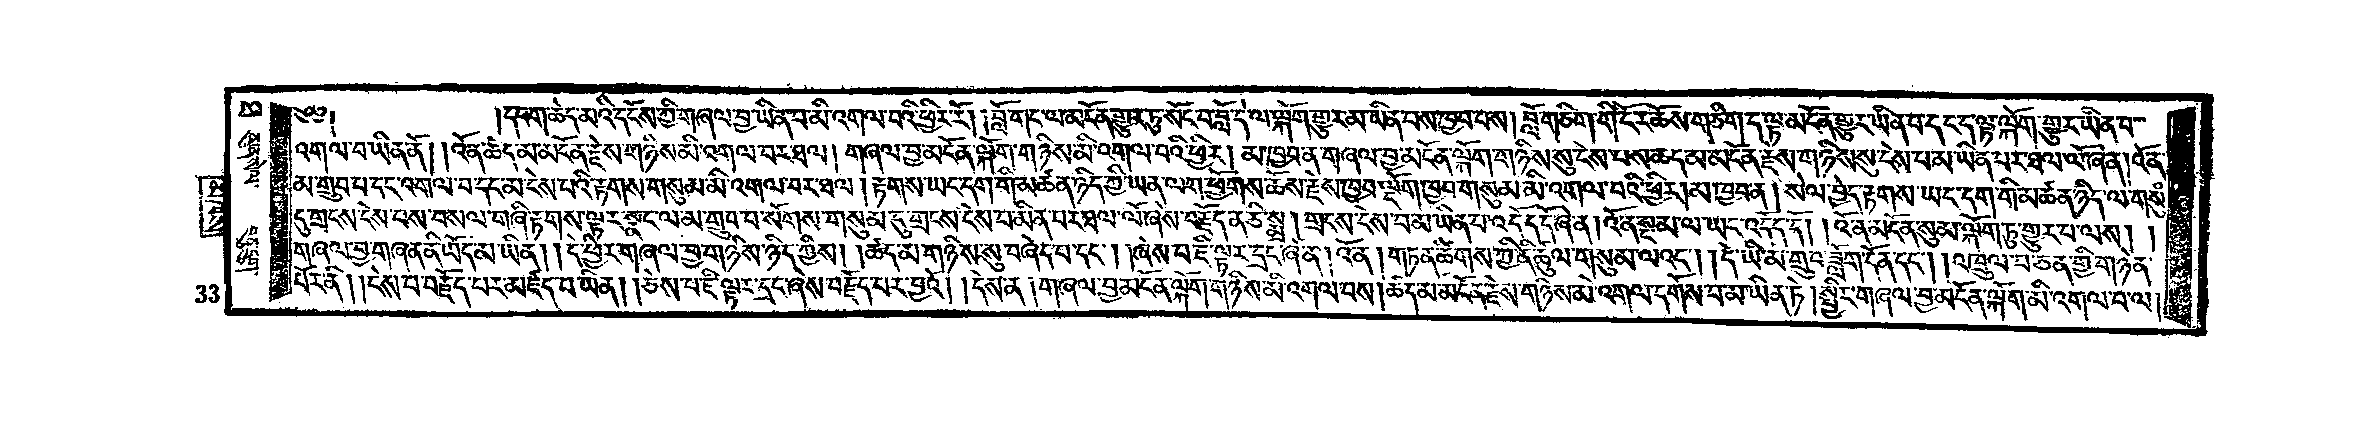༄༅། །དཔག་ཚད་མའི་དངོས་ཀྱི་གཞལ་བྱ་ཡིན་པ་མི་འགལ་བའི་ཕྱིར་རོ། །བློ་གང་ལ་མངོན་གྱུར་ཏུ་སོང་བ་བློ་དེ་ལ་ལྐོག་གྱུར་མ་ཡིན་པས་ཁྱབ་པས། བློ་གཅིག་གི་ངོར་ཆོས་གཅིག་ད་ལྟ་མངོན་གྱུར་ཡིན་པ་དང་ད་ལྟ་ལྐོག་གྱུར་ཡིན་པ་
འགལ་བ་ཡིན་ནོ། །འོ་ན་ཚད་མ་མངོན་རྗེས་གཉིས་མི་འགལ་བར་ཐལ། གཞལ་བྱ་མངོན་ལྐོག་གཉིས་མི་འགལ་བའི་ཕྱིར། མ་ཁྱབ་ན་གཞལ་བྱ་མངོན་ལྐོག་གཉིས་སུ་ངེས་པས་ཆད་མ་མངོན་རྗེས་གཉིས་སུ་ངེས་པ་མ་ཡིན་པར་ཐལ་ལོ་ཞེ་ན། འོ་ན་
མ་གྲུབ་པ་དང་འགལ་བ་དང་མ་ངེས་པའི་རྟགས་གསུམ་མི་འགལ་བར་ཐལ། རྟགས་ཡང་དག་གི་མཚན་ཉིད་ཀྱི་ཡན་ལག་ཕྱོགས་ཆོས་རྗེས་ཁྱབ་ལྡོག་ཁྱབ་གསུམ་མི་འགལ་བའི་ཕྱིར། མ་ཁྱབ་ན། སེལ་བྱེད་རྟགས་ཡང་དག་གི་མཚན་ཉིད་ལ་གསུཾ་
དུ་གྲངས་ངེས་པས་བསལ་གཞི་རྟགས་ལྟར་སྣང་ལ་མ་གྲུབ་པ་སོགས་གསུམ་དུ་གྲངས་ངེས་པ་མིན་པར་ཐལ་ལོ་ཞེས་བརྗོད་ན་ཅི་སྨྲ། གྲངས་ངེས་པ་མ་ཡིན་པ་འདོད་དོ་ཞེ་ན། འོ་ན་སྔ་མ་ལ་ཡང་འདོད་དོ། །འོ་ན་མངོན་སུམ་ལྐོག་ཏུ་གྱུར་པ་ལས། །
གཞལ་བྱ་གཞན་ནི་ཡོད་མ་ཡིན། །དེ་ཕྱིར་གཞལ་བྱ་གཉིས་ཉིད་ཀྱིས། །ཚད་མ་གཉིས་སུ་བཞེད་པ་དང་། །ཞེས་པ་ཇི་ལྟར་དྲང་ཞེ་ན། འོ་ན། གཏན་ཚིགས་ཀྱི་ནི་ཚུལ་གསུམ་ལའང་། །དེ་ཡི་མ་གྲུབ་ཟློག་དོན་དང་། །འཁྲུལ་བ་ཅན་གྱི་གཉེན་
པོར་ནི། །ངེས་པ་བརྗོད་པར་མཛད་པ་ཡིན། །ཅེས་པ་ཇི་ལྟར་དྲང་ཞེས་བརྗོད་པར་བྱའོ། །དེས་ན། གཞལ་བྱ་མངོན་ལྐོག་གཉིས་མི་འགལ་བས། ཚད་མ་མངོན་རྗེས་གཉིས་མི་འགལ་དགོས་པ་མ་ཡིན་ཏེ། སྤྱིར་གཞལ་བྱ་མངོན་ལྐོག་མི་འགལ་པ་ལ།